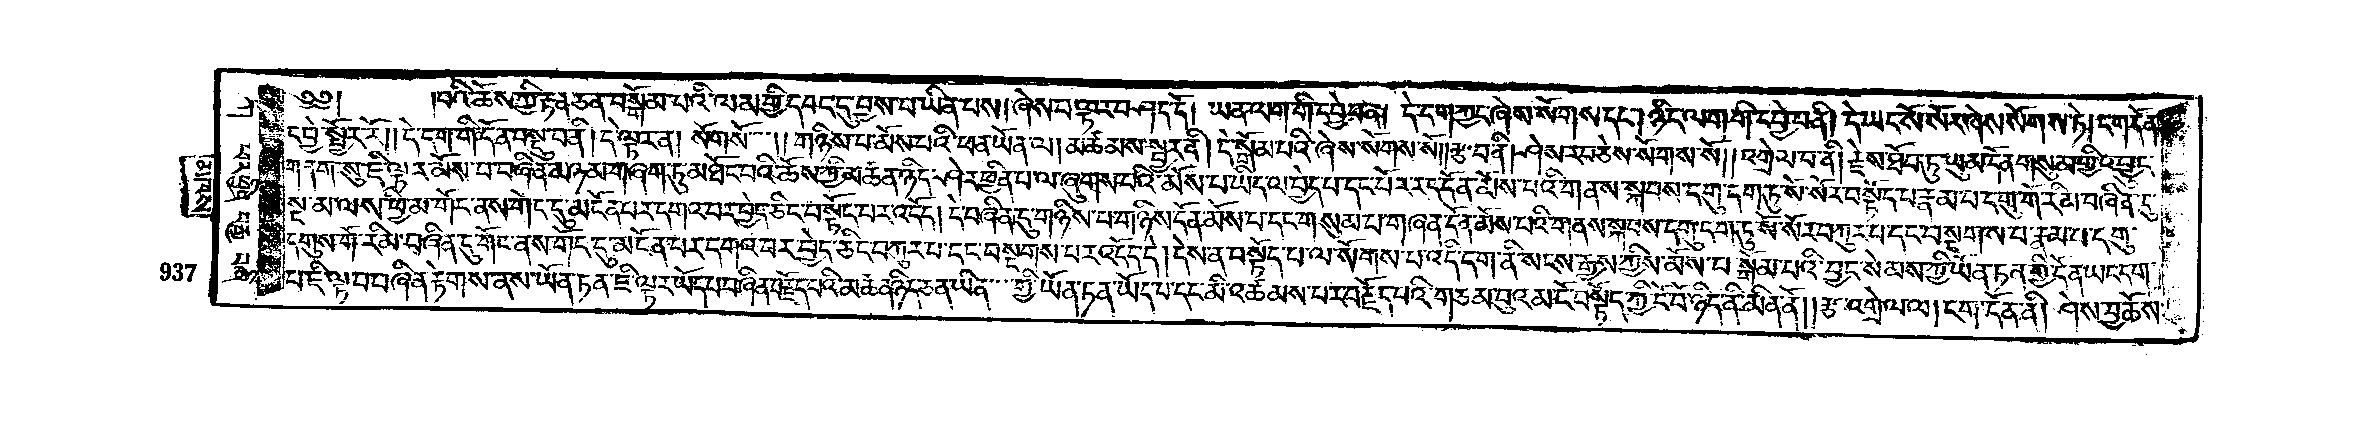༄༅། །བའི་ཆོས་ཀྱི་རྟན་ཅན་བསྒོམ་པའི་ལམ་གྱི་དབང་དུ་བྱས་པ་ཡིན་པས། ཞེས་པ་ལྟར་བཤད་དོ། ཡན་ལག་གི་དབྱེ་བ་ནི། དེ་དག་ཀྱང་ཞེས་སོགས་དང་། ཉིད་ལག་གི་དབྱེ་བ་ནི། དེ་ཡང་སོ་སོར་ཞེས་སོགས་ཏེ། ངག་དོན་
དབྱེ་སྦྱོར་རོ། །དེ་དག་གི་དོན་བསྡུ་བ་ནི། དེ་ལྟར་ན། སོགས་སོ། །གཉིས་པ་མོས་པའི་ཕན་ཡོན་ལ། མཚམས་སྦྱར་ནི། དེ་སྒོམ་པའི་ཞེས་སོགས་སོ། །རྩ་བ་ནི། ཤེས་རབ་ཅེས་སོགས་སོ། །འགྲེལ་བ་ནི། རྗེས་ཐོབ་ཏུ་ཡུམ་དོན་གསུམ་གྱི་འབྱུང་
གནག་སུ་ཇི་ལྟར་མོས་པ་བཞིན་མཉམ་གཞག་ཏུ་མཐོང་བའི་ཆོས་ཀྱི་མཚན་ཉིད་ཤེར་ཕྱིན་པ་ལ་ཞུགས་པའི་མོས་པ་ཡིད་ལ་བྱེད་པ་དང་པོར་རང་དོན་མོས་པའི་གནས་སྐབས་དགུ་དག་ཏུ་སོ་སོར་བསྟོད་པ་རྣམ་པ་དགུ་གོ་རིམ་བཞིན་དུ་
སྔ་མ་ལས་ཕྱི་མ་གོང་ནས་གོང་དུ་མངོན་པར་དགའ་བར་བྱེད་ཅིང་བསྟོད་པར་འདོད། དེ་བཞིན་དུ་གཉིས་པ་གཉིས་དོན་མོས་པ་དང་གསུམ་པ་གཞན་དོན་མོས་པའི་གནས་སྐབས་དགུ་དག་ཏུ་སོ་སོར་བཀུར་པ་དང་བསྔགས་པ་རྣམ་པ་དགུ་
དགུས་གོ་རིམ་བཞིན་དུ་གོང་ནས་གོང་དུ་མངོན་པར་དགའ་བར་བྱེད་ཅིང་བཀུར་པ་དང་བསྔགས་པར་འདོད་དེ། དེས་ན་བསྟོད་པ་ལ་སོགས་པ་འདི་དག་ནི་སངས་རྒྱས་ཀྱིས་མོས་པ་སྒོམ་པའི་བྱང་སེམས་ཀྱི་ཡོན་ཏན་གྱི་དོན་ཡང་དག་
པ་ཇི་ལྟ་བ་བཞིན་རྟེགས་ནས་ཡོན་ཏན་ཇི་ལྟར་ཡོད་པ་བཞིན་བརྗོད་པའི་མཚན་ཉིད་ཅན་ཡིན་གྱི་ཡོན་ཏན་ཡོད་པ་དང་མི་འཚམས་པར་བརྗོད་པའི་གཅམ་བུའམ་ངོ་བསྟོད་ཀྱི་ངོ་བོ་ཉིད་ནི་མིན་ནོ། །རྩ་འགྲེལ་ལ། ངག་དོན་ནི། ཤེས་བྱ་ཆོས་